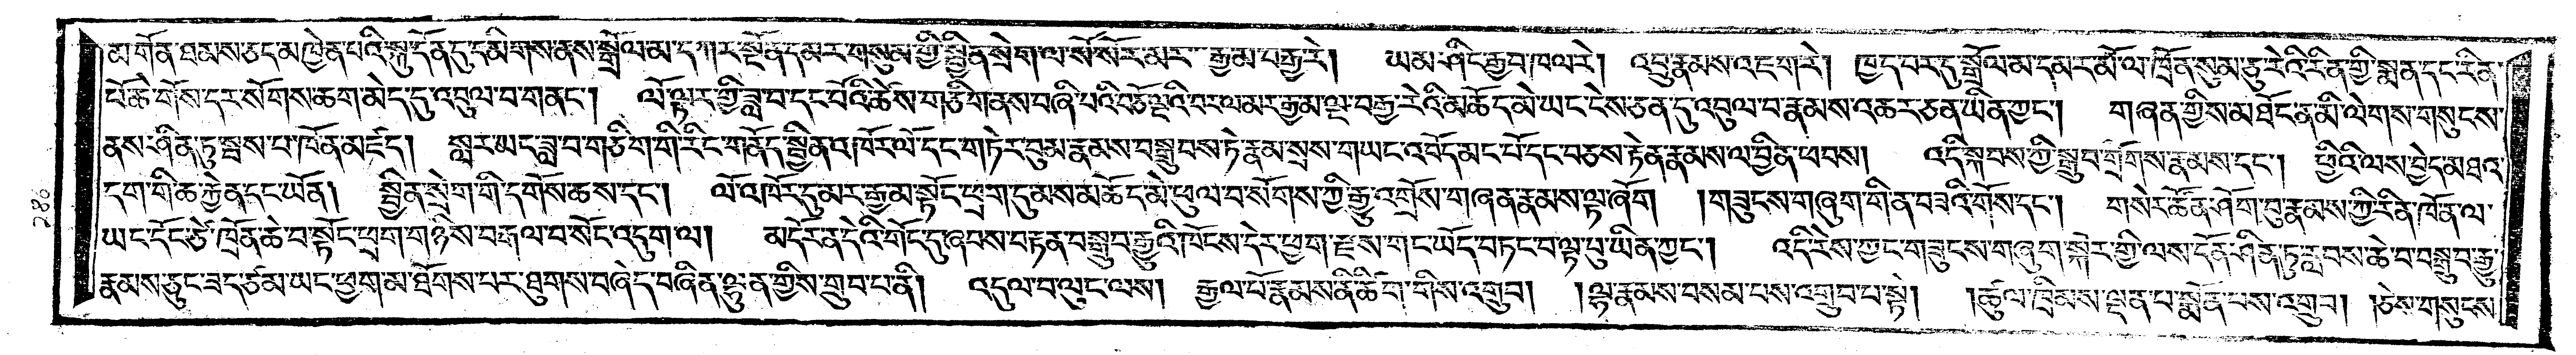མགོན་ཐམས་ཅད་མཁྱེན་པའི་སྐུ་དོན་དུ་དམིགས་ནས་སྒྲོལ་མ་དཀར་སྔོན་དམར་གསུམ་གྱི་སྦྱིན་སྲེག་ལ་སོ་སོར་མར་རྒྱ་མ་བརྒྱ་རེ། ཡམ་ཤིང་རྒྱང་ཁལ་རེ། འབྲུ་རྣམས་འཇག་རེ། ཁྱད་པར་དུ་སྒྲོལ་མ་དམར་མོ་ལ་ཁྲོན་སུམ་ཅུ་རེའི་རིན་གྱི་སླན་དང་རིན་
པོ་ཆེ་གོས་དར་སོགས་ཆག་མེད་དུ་འབུལ་བ་གནང་། ལོ་ལྟར་གྱི་ཟླ་བ་དང་པོའི་ཚེས་གཅིག་ནས་བཞི་པའི་བཅོ་ལྔའི་བར་ལ་མར་རྒྱམ་ལྔ་བརྒྱ་རེའི་མཆོད་མེ་ཡང་ངེས་ཅན་དུ་འབུལ་བ་རྣམས་འཆར་ཅན་ཡིན་ཀྱང་། གཞན་གྱིས་མཐོང་ན་མི་ལེགས་གསུངས་
ནས་ཤིན་ཏུ་སྦས་པ་ཁོ་ན་མཛད། སླར་ཡང་ཟླ་བ་གཅིག་གི་རིང་གནོད་སྦྱིན་འཁོར་ལོ་དང་གཏེར་བུམ་རྣམས་བསྒྲུབས་ཏེ་རྣམས་རས་གཡང་འབོད་མང་པོ་དང་བཅས་རྟེན་རྣམས་ལ་བྱིན་ཕབས། འདི་སྐབས་ཀྱི་སྒྲུབ་གྲོགས་རྣམས་དང་། ཕྱིའི་ལས་བྱེད་མཐའ་
དག་གི་ཆ་རྐྱེན་དང་ཡོན། སྦྱིན་སྲེག་གི་དགོས་ཆས་དང་། ལོ་འཁོར་དུ་མར་རྒྱ་མ་སྟོང་ཕྲག་དུ་མས་མཆོད་མེ་ཕུལ་བ་སོགས་ཀྱི་རྒྱུ་འགྲོས་གཞན་རྣམས་ལྟ་ཞོག །གཟུངས་གཞུག་གི་ན་བཟའི་གོས་དང་། གསེར་ཚོན་ཤོག་བུ་རྣམས་ཀྱི་རིན་ཁོ་ན་ལ་
ཡང་དོང་རྩེ་ཁྲོན་ཆེ་བ་སྟོང་ཕྲག་གཉིས་བརྒལ་བ་སོང་འདུག་ལ། མདོར་ན་དེའི་གོང་དུ་ཞབས་བརྟན་བསྒྲུབ་རྒྱུའི་ཁོངས་དེར་ཕྱག་རྫས་གང་ཡོད་བཏང་བ་ལྟ་བུ་ཡིན་ཀྱང་། འདི་རེས་ཀྱང་གཟུངས་གཞུག་སྐོར་གྱི་ལས་དོན་ཤིན་ཏུ་རླབས་ཆེ་བ་བསྒྲུབ་རྒྱུ་
རྣམས་ཅུང་ཟད་ཙམ་ཡང་ཕྱག་མ་ཐོགས་པར་ཐུགས་བཞེད་བཞིན་ལྷུན་གྱིས་གྲུབ་པ་ནི། འདུལ་བ་ལུང་ལས། རྒྱལ་པོ་རྣམས་ནི་ཚིག་གིས་འགྲུབ། །ལྷ་རྣམས་བསམ་པས་འགྲུབ་པ་སྟེ། །ཚུལ་ཁྲིམས་ལྡན་པ་སྨོན་པས་འགྲུབ། །ཅེས་གསུངས་